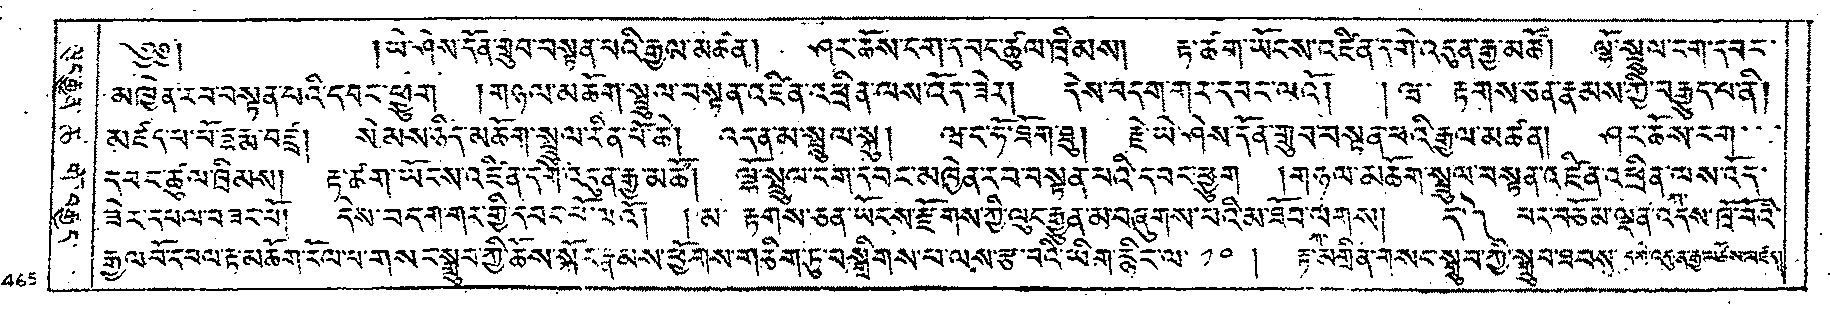༄༅། །ཡེ་ཤེས་དོན་གྲུབ་བསྟན་པའི་རྒྱལ་མཚན། ཤར་ཆོས་ངག་དབང་ཚུལ་ཁྲིམས། རྟ་ཚག་ཡོངས་འཛིན་དགེ་འདུན་རྒྱ་མཚོ། ལྷོ་སྤྲུལ་ངག་དབང་
མཁྱེན་རབ་བསྟན་པའི་དབང་ཕྱུག །གཉལ་མཆོག་སྤྲུལ་བསྟན་འཛིན་འཕྲིན་ལས་འོད་ཟེར། དེས་བདག་གར་དབང་ལའོ། །ཝ་རྟགས་ཅན་རྣམས་ཀྱི་བརྒྱུད་པ་ནི།
མཛད་པ་པོ་དྷརྨ་བཛྲ། སེམས་ཉིད་མཆོག་སྤྲུལ་རིན་པོ་ཆེ། འདན་མ་སྤྲུལ་སྐུ། ཝང་ཧོ་ཐོག་ཐུ། རྗེ་ཡེ་ཤེས་དོན་གྲུབ་བསྟན་པའི་རྒྱལ་མཚན། ཤར་ཆོས་ངག་
དབང་ཚུལ་ཁྲིམས། རྟ་ཚག་ཡོངས་འཛིན་དགེ་འདུན་རྒྱ་མཚོ། ལྷོ་སྤྲུལ་ངག་དབང་མཁྱེན་རབ་བསྟན་པའི་དབང་ཕྱུག །གཉལ་མཆོག་སྤྲུལ་བསྟན་འཛིན་འཕྲིན་ལས་འོད་
ཟེར་དཔལ་བཟང་པོ། དེས་བདག་གར་གྱི་དབང་པོ་ལའོ། །མ་རྟགས་ཅན་ཡོངས་རྫོགས་ཀྱི་ལུང་རྒྱུན་མ་བཞུགས་པའི་མ་ཐོབ་ལགས། ད྄་པར་བཅོམ་ལྡན་འདས་{ཀ}་ཁྲོ་བོའི་
རྒྱལ་པོ་དཔལ་རྟ་མཆོག་རོལ་པ་གསང་སྒྲུབ་ཀྱི་ཆོས་སྐོར་རྣམས་ཕྱོགས་གཅིག་ཏུ་བསྒྲིགས་པ་ལས་རྩ་བའི་ཡིག་རྙིང་ལ ༡༠། ཀ་རྟ་མགྲིན་གསང་སྒྲུབ་ཀྱི་སྒྲུབ་ཐབས་དགེ་འདུན་རྒྱ་མཚོས་མཛད།